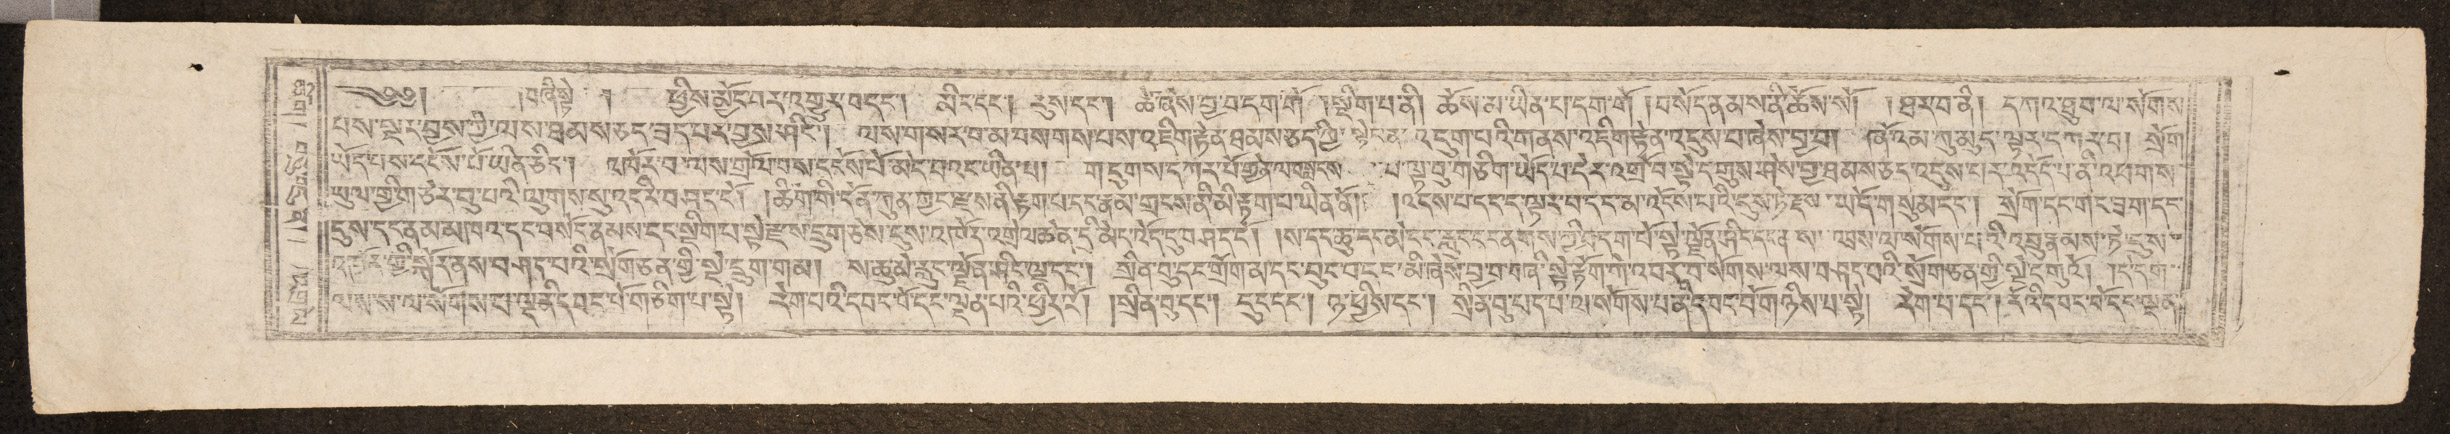༄༅། །བཞི་སྟེ། ཕྱིས་མྱོང་བར་འགྱུར་བ་དང་། མིང་དང་། རུས་དང་། ཚེ་ཞེས་བྱ་བ་དག་གོ །སྡིག་པ་ནི། ཆོས་མ་ཡིན་པ་དག་གོ །བསོད་ནམས་ནི་ཆོས་སོ། །ཐར་བ་ནི། དཀའ་ཐུབ་ལ་སོགས་
པས་སྔར་བྱས་ཀྱི་ལས་ཐམས་ཅད་ཟད་པར་བྱས་ཤིང་། ལས་གསར་བ་མ་བསགས་པས་འཇིག་རྟེན་ཐམས་ཅད་ཀྱི་སྟེང་ན་འདུག་པའི་གནས་འཇིག་རྟེན་འདུས་པ་ཞེས་བྱ་བ། ཞོ་འམ་ཀུ་མུད་ལྟར་དཀར་བ། སྲོག་
ཡོད་པས་དངོས་པོ་ཡིན་ཅིང་། འཁོར་བ་ལས་གྲོལ་བས་དངོས་པོ་མེད་པའང་ཡིན་པ། གདུགས་དཀར་པོ་གྱེན་ལ་བསླངས། པ་ལྟ་བུ་གཅིག་ཡོད་པ་དེར་འགྲོ་བ་སྟེ་དགུས་ཤེས་བྱ་ཐམས་ཅད་འདུས་པར་འདོད་པ་ནི་འཕགས་
ཡུལ་གྱི་གཅེར་བུ་པའི་ལུགས་སུ་འདིར་བཤད་དོ། །ཚིག་གི་དོན་ཀུན་ཀྱང་རྫས་ནི་རྟག་པ་དང་རྣམ་གྲངས་ནི་མི་རྟག་པ་ཡིན་ནོ། །འདས་པ་དང་ད་ལྟར་བ་དང་མ་འོངས་པའི་དུས་ཏེ་རྫས་ཡོད་གསུམ་དང་། སྲོག་དང་གང་ཟག་དང་
དུས་དང་ནམ་མཁའ་དང་བསོད་ནམས་དང་སྡིག་པ་སྟེ་རྫས་དྲུག་ཅེས་དུས་འཁོར་འགྲེལ་ཆེན་དྲི་མེད་འོད་དུ་བཤད་དོ། །ས་དང་ཆུ་དང་མེ་དང་རླུང་དང་ནགས་ཀྱི་བདག་པོ་སྟེ་ལྗོན་ཤིང་དང་ནས་འབྲས་ལ་སོགས་པའི་འབྲུ་རྣམས་ཏེ་དུས་
འཁོར་གྱི་སྐོར་ནས་བཤད་པའི་སྲོག་ཅན་གྱི་སྡེ་དྲུག་གམ། ས་ཆུ་མེ་རླུང་ལྗོན་ཤིང་ལྔ་དང་། སྲིན་བུ་དང་གྲོག་མ་དང་བུང་བ་དང་མི་ཞེས་བྱ་བ་བཞི་སྟེ་རྟོག་གེ་འབར་བ་སོགས་ལས་བཤད་པའི་སྲོག་ཅན་གྱི་སྡེ་དགུའོ། །དེ་དག་
ལས་ས་ལ་སོགས་པ་ལྔ་ནི་དབང་པོ་གཅིག་པ་སྟེ། རེག་པའི་དབང་པོ་དང་ལྡན་པའི་ཕྱིར་རོ། །སྲིན་བུ་དང་། དུང་དང་། ཉ་ཕྱིས་དང་། སྲིན་བུ་པད་པ་ལ་སོགས་པ་ནི་དབང་བོ་གཉིས་པ་སྟེ། རེག་པ་དང་། རོའི་དབང་བོ་དང་ལྡན་